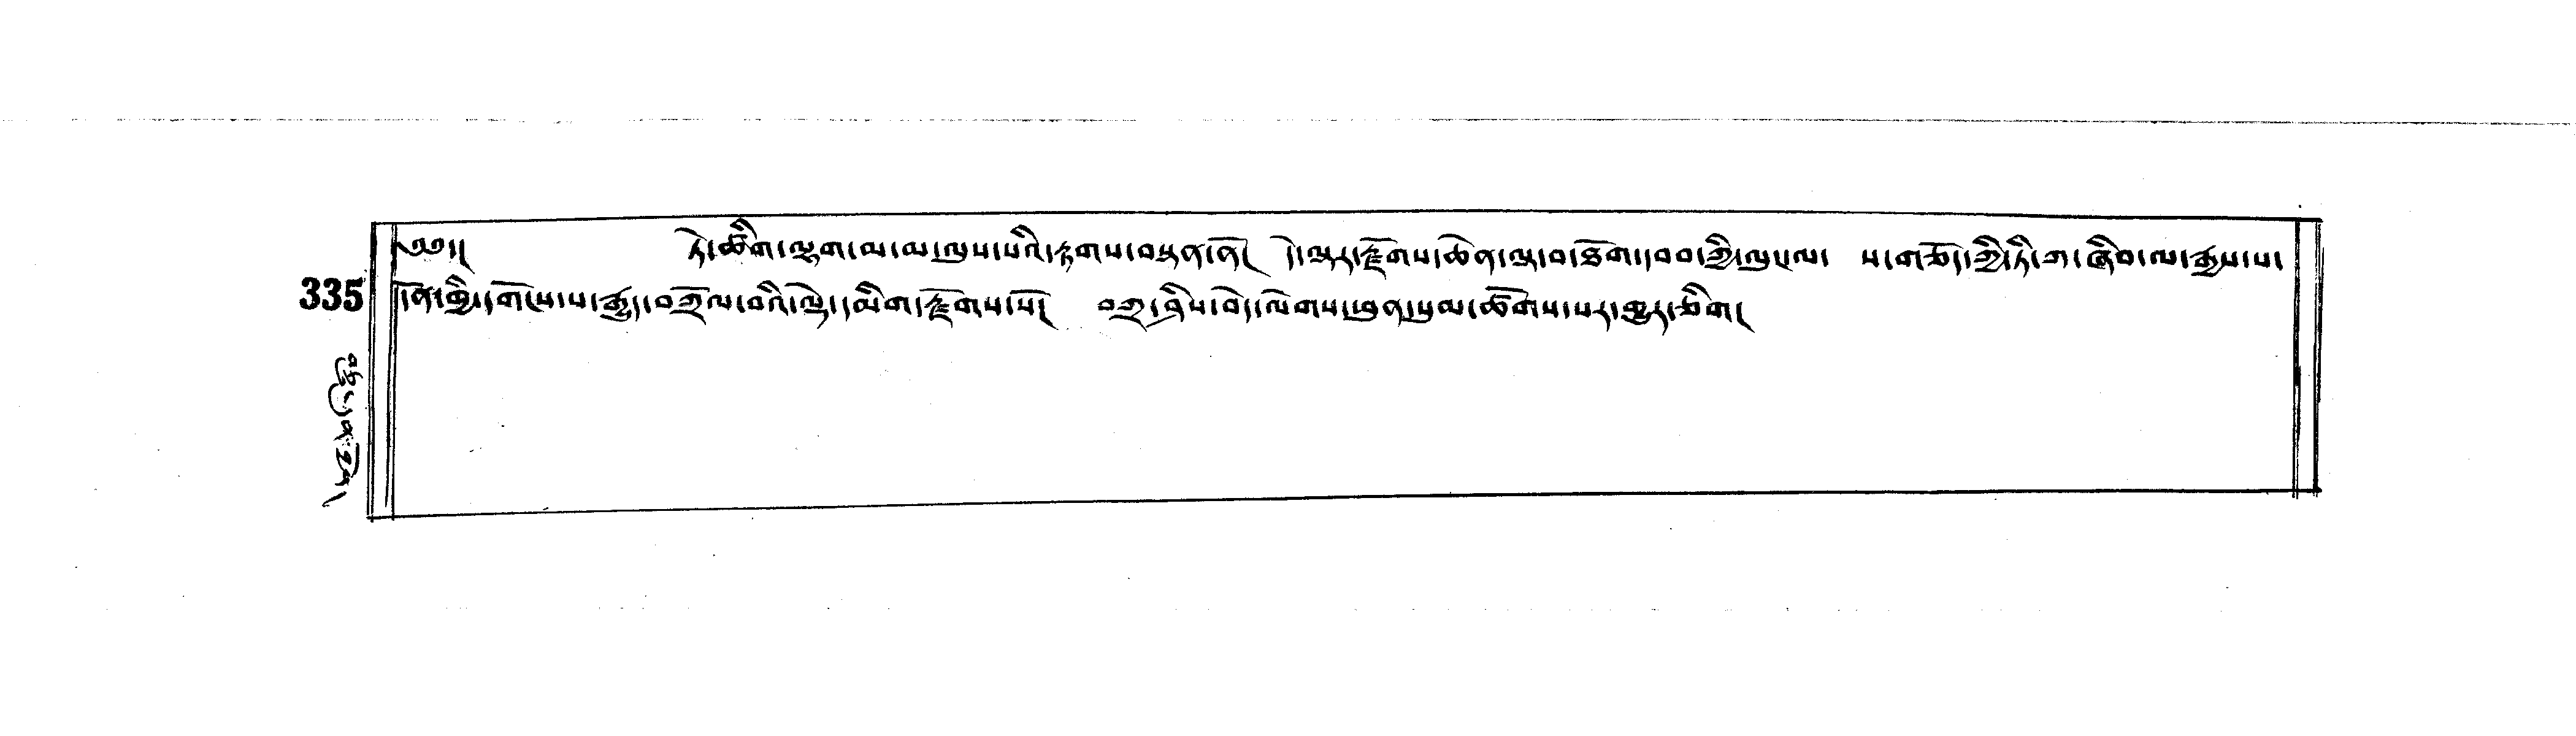ཏེ་ཚིག་ལྷག་མ་མ་ལུས་པའི་རྟགས་བསྟན་ནོ། དེ་ལྟར་རྫོགས་ཆེན་ལྟ་བ་ཐོག་དབབ་ཀྱི་ལུང་ལ། ས་གཅོད་ཀྱི་ཏི་ཀ་ཞིབ་ལ་རྒྱས་པ་
དོན་གྱི་དགོངས་པ་རྒྱུད་བཀྲོལ་བའི་ལྡེ་མིག་རྫོགས་སོ།། །།བཀྲ་ཤིས་བདེ་ལེགས་ཕུན་སུམ་ཚོགས་པར་གྱུར་ཅིག།